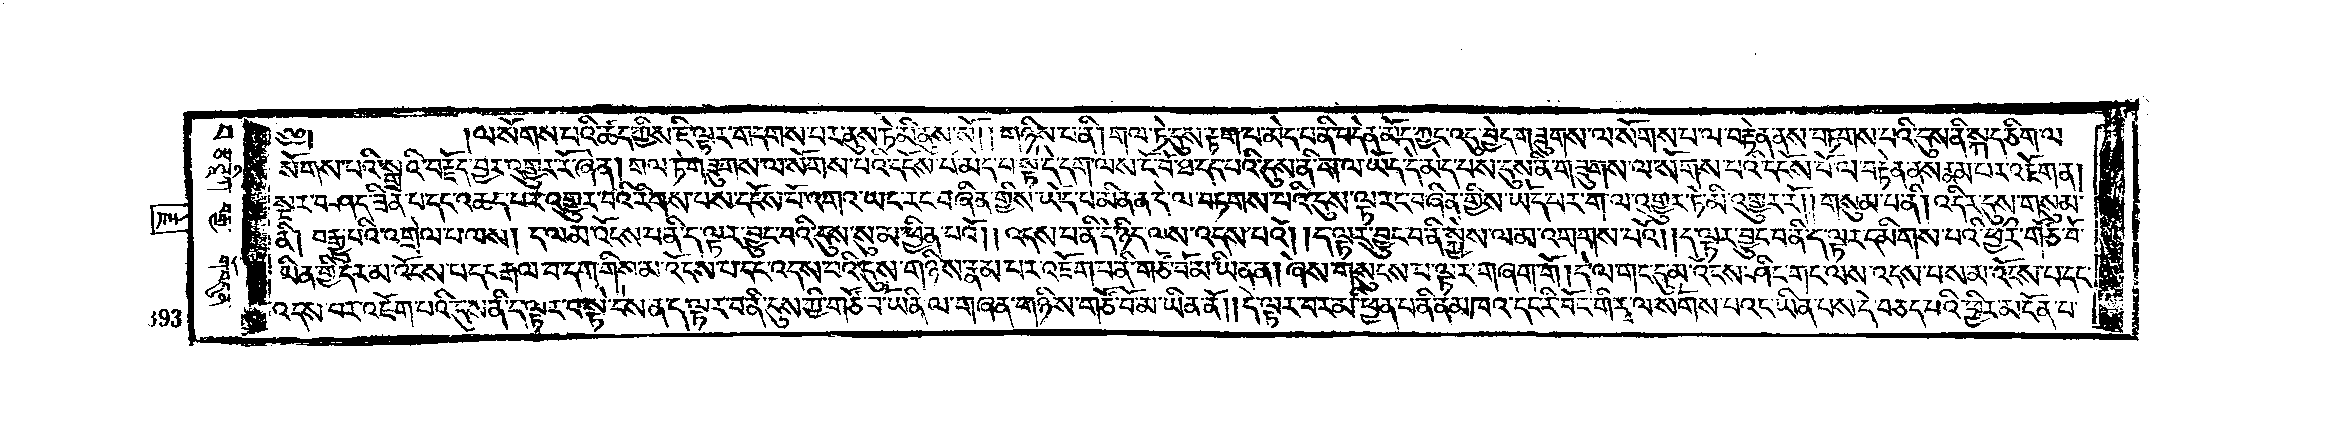༄༅། །ལ་སོགས་པའི་ཚད་ཀྱིས་ཇི་ལྟར་གདགས་པར་ནུས་ཏེ་མི་ནུས་སོ། །གཉིས་པ་ནི། གལ་ཏེ་དུས་རྟག་པ་མེད་པ་ནི་བདེན་མོད་ཀྱང་འདུ་བྱེད་གཟུགས་ལ་སོགས་པ་ལ་བརྟེན་ནས་བཏགས་པའི་དུས་ནི་སྐད་ཅིག་ལ་
སོགས་པའི་སྒྲའི་བརྗོད་བྱར་འགྱུར་རོ་ཞེ་ན། གལ་ཏེ་གཟུགས་ལ་སོགས་པའི་དངོས་པོ་མེད་པ་སྟེ་དེ་དག་ལས་ངོ་བོ་ཐ་དད་པའི་དུས་ནི་ག་ལ་ཡོད་དེ་མེད་པས་དུས་ནི་གཟུགས་ལ་སོགས་པའི་དངོས་པོ་ལ་བརྟེན་ནས་རྣམ་པར་འཇོག་ན།
སྔར་བཤད་ཟིན་པ་དང་འཆད་པར་འགྱུར་བའི་རིགས་པས་དངོས་པོ་འགའ་ཡང་རང་བཞིན་གྱིས་ཡོད་པ་མིན་ན་དེ་ལ་བརྟགས་པའི་དུས་ལྟ་རང་བཞིན་གྱིས་ཡོད་པར་ག་ལ་འགྱུར་ཏེ་མི་འགྱུར་རོ། །གསུམ་པ་ནི། འདིར་དུས་གསུམ་
ནི༑ བརྒྱ་པའི་འགྲེལ་པ་ལས། ད་ལམ་འོངས་པ་ནི་ད་ལྟར་བྱུང་བའི་དུས་སུ་མ་ཕྱིན་པའོ། །འདས་པ་ནི་དེ་ཉིད་ལས་འདས་པའོ། །ད་ལྟར་བྱུང་བ་ནི་སྐྱེས་ལམ་འགགས་པའོ། །ད་ལྟར་བྱུང་བ་ནི་ད་ལྟར་དམིགས་པའི་ཕྱིར་གཙོ་བོ་
ཡིན་གྱི་དེར་མ་འོངས་པ་དང་རྒལ་བ་དག་གིས་མ་འོངས་པ་དང་འདས་པའི་དུས་གཉིས་རྣམ་པར་འཇོག་པ་ནི་གཙོ་བོ་མ་ཡིན་ན། ཞེས་གསུངས་པ་ལྟར་གཞག་གོ། དེ་ལ་གང་དུ་མ་འོངས་ཤིང་གང་ལས་འདས་པས་མ་འོངས་པ་དང་
འདས་པར་འཇོག་པའི་དུས་ནི་ད་ལྟར་བ་སྟེ་དེས་ན་ལྟར་བ་ནི་དུས་ཀྱི་གཙོ་བོ་ཡིན་ལ་གཞན་གཉིས་གཙོ་བོ་མ་ཡིན་ནོ། །ད་ལྟར་བར་མ་ཕྱིན་པ་ནི་ནམཁའ་དང་རི་བོང་གི་རྭ་ལ་སོགས་པའང་ཡིན་པས་དེ་བཅད་པའི་ཕྱིར་མངོན་པ་